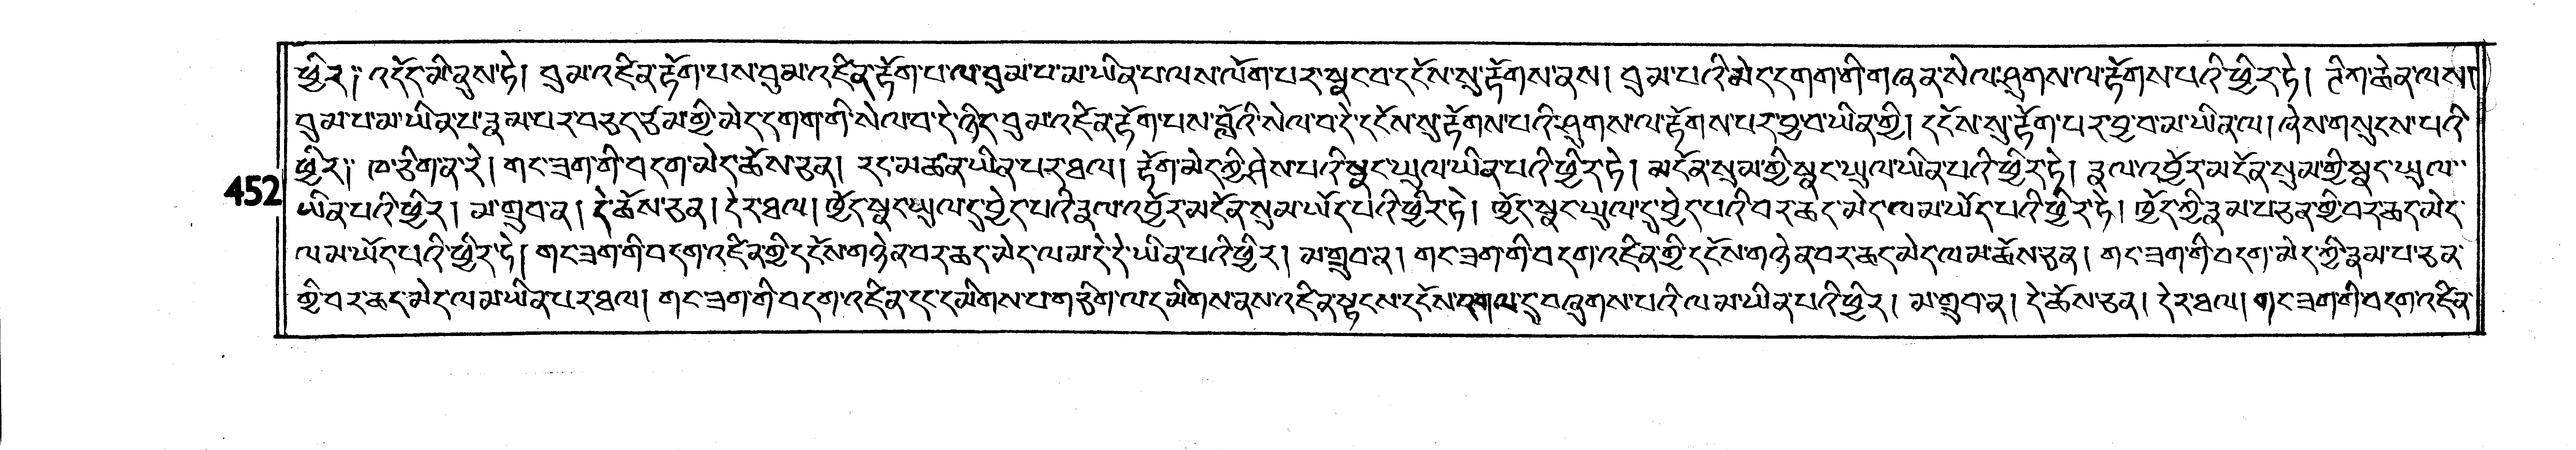ཕྱིར༑ འདོད་མི་ནུས་ཏེ། བུམ་འཛིན་རྟོག་པས་བུམ་འཛིན་རྟོག་པ་ལ་བུམ་པ་མ་ཡིན་པ་ལས་ལོག་པར་སྣང་བ་དངོས་སུ་རྟོགས་ནས། བུམ་པའི་མེད་དགག་གི་གཞན་སེལ་ཤུགས་ལ་རྟོགས་པའི་ཕྱིར་ཏེ། ཊིཀ་ཆེན་ལས་
བུམ་པ་མ་ཡིན་པ་རྣམ་པར་བཅད་ཙམ་གྱི་མེད་དགག་གི་སེལ་བ་དེ་ཉིད་བུམ་འཛིན་རྟོག་པས་བློའི་སེལ་བ་དེ་དངོས་སུ་རྟོགས་པའི་ཤུགས་ལ་རྟོགས་པར་བྱ་བ་ཡིན་གྱི། དངོས་སུ་རྟོག་པར་བྱ་བ་མ་ཡིན་ལ། ཞེས་གསུངས་པའི་
ཕྱིར༑ ཁ་ཅིག་ན་རེ། གང་ཟག་གི་བདག་མེད་ཆོས་ཅན། རང་མཚན་ཡིན་པར་ཐལ། རྟོག་མེད་ཀྱི་ཤེས་པའི་སྣང་ཡུལ་ཡིན་པའི་ཕྱིར་ཏེ། མངོན་སུམ་གྱི་སྣང་ཡུལ་ཡིན་པའི་ཕྱིར་ཏེ། རྣལ་འབྱོར་མངོན་སུམ་གྱི་སྣང་ཡུལ་
ཡིན་པའི་ཕྱིར། མ་གྲུབ་ན། དེ་ཆོས་ཅན། དེར་ཐལ། ཁྱོད་སྣང་ཡུལ་དུ་བྱེད་པའི་རྣལ་འབྱོར་མངོན་སུམ་ཡོད་པའི་ཕྱིར་ཏེ། ཁྱོད་སྣང་ཡུལ་དུ་བྱེད་པའི་བར་ཆད་མེད་ལམ་ཡོད་པའི་ཕྱིར་ཏེ། ཁྱོད་ཀྱི་རྣམ་པ་ཅན་གྱི་བར་ཆད་མེད་
ལམ་ཡོད་པའི་ཕྱིར་ཏེ། གང་ཟག་གི་བདག་འཛིན་གྱི་དངོས་གཉེན་བར་ཆད་མེད་ལམ་དེ་དེ་ཡིན་པའི་ཕྱིར། མ་གྲུབ་ན། གང་ཟག་གི་བདག་འཛིན་གྱི་དངོས་གཉེན་བར་ཆད་མེད་ལམ་ཆོས་ཅན། གང་ཟག་གི་བདག་མེད་ཀྱི་རྣམ་པ་ཅན་
གྱི་བར་ཆད་མེད་ལམ་ཡིན་པར་ཐལ། གང་ཟག་གི་བདག་འཛིན་དང་དམིགས་པ་གཅིག་ལ་དམིགས་ནས་འཛིན་སྟངས་དངོས་འགལ་དུ་བཞུགས་པའི་ལམ་ཡིན་པའི་ཕྱིར། མ་གྲུབ་ན། དེ་ཆོས་ཅན། དེར་ཐལ། གང་ཟག་གི་བདག་འཛིན་